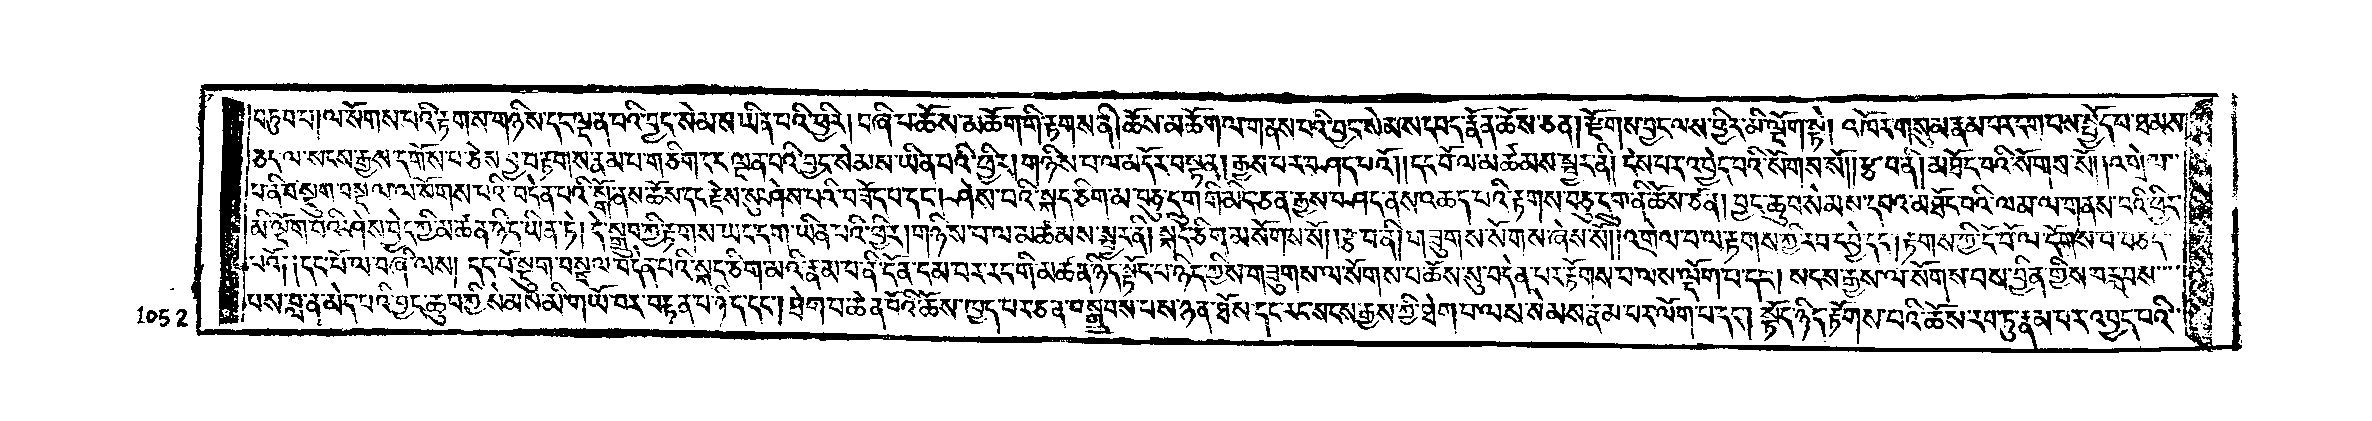བཏུབ་པ། ལ་སོགས་པའི་རྟགས་གཉིས་དང་ལྡན་པའི་བྱང་སེམས་ཡིན་པའི་ཕྱིར། བཞི་པ་ཆོས་མཆོག་གི་རྟགས་ནི། ཆོས་མཆོག་ལ་གནས་པའི་བྱང་སེམས་དབང་རྣོན་ཆོས་ཅན། རྫོགས་བྱང་ལས་ཕྱིར་མི་ལྡོག་སྟེ། འཁོར་གསུམ་རྣམ་པར་དག་པས་སྤྱོད་པ་ཐམས་
ཅད་ལ་སངས་རྒྱས་དགོས་པ་ཅེས་བྱ་བ་རྟགས་རྣམ་པ་གཅིག་དང་ལྡན་པའི་བྱང་སེམས་ཡིན་པའི་ཕྱིར། གཉིས་པ་ལ་མདོར་བསྟན། རྒྱས་པར་བཤད་པའོ། །དང་པོ་ལ་མཚམས་སྦྱར་ནི། ངེས་པར་འབྱེད་པའི་སོགས་སོ། །རྩ་བ་ནི། མཐོང་བའི་སོགས་སོ། །འགྲེལ་
པ་ནི་བསྡུག་བསྔལ་ལ་སོགས་པའི་བདེན་པའི་སྒོ་ནས་ཆོས་དང་རྗེས་སུ་ཤེས་པའི་བཟོད་པ་དང་། ཤེས་པའི་སྐད་ཅིག་མ་བཅུ་དྲུག་གི་མིང་ཅན་རྒྱས་བཤད་ནས་འཆད་པའི་རྟགས་བཅུ་དྲུག་ནི་ཆོས་ཅན། བྱང་ཆུབ་སེམས་དཔའ་མཐོང་བའི་ལམ་ལ་གནས་པའི་ཕྱིར་
མི་ལྡོག་པའི་ཤེས་བྱེད་ཀྱི་མཚན་ཉིད་ཡིན་ཏེ། དེ་སྒྲུབ་ཀྱི་རྟགས་ཡང་དག་ཡིན་པའི་ཕྱིར། གཉིས་པ་ལ་མཚམས་སྦྱར་ནི། སྐད་ཅིག་མ་སོགས་སོ། །རྩ་བ་ནི། གཟུགས་སོགས་ཞེས་སོ། །འགྲེལ་བ་ལ་རྟགས་ཀྱི་རབ་དབྱེ་དང་། རྟགས་ཀྱི་ངོ་བོ་ལ་དོགས་པ་བཅད་
པའོ། །དང་པོ་ལ་བཞི་ལས། དང་པོ་སྡུག་བསྔལ་བདེན་པའི་སྐད་ཅིག་མའི་རྣམ་པ་ནི་དོན་དམ་པར་རང་གི་མཚན་ཉིད་སྟོང་པ་ཉིད་ཀྱིས་གཟུགས་ལ་སོགས་པ་ཆོས་སུ་བདེན་པར་རྟོགས་པ་ལས་ལྡོག་པ་དང་། སངས་རྒྱས་ལ་སོགས་པས་བྱིན་གྱིས་བརླབས་
པས་བླ་ན་མེད་པའི་བྱང་ཆུབ་ཀྱི་སེམས་མི་གཡོ་བར་བརྟན་པ་ཉིད་དང་། ཐེག་པ་ཆེན་པོའི་ཆོས་ཁྱད་པར་ཅན་བསྒྲུབས་པས་ཉན་ཐོས་དང་རང་སངས་རྒྱས་ཀྱི་ཐེག་པ་ལས་སེམས་རྣམ་པར་ལོག་པ་དང་། སྟོང་ཉིད་རྟོགས་པའི་ཆོས་རབ་ཏུ་རྣམ་པར་འབྱད་པའི་